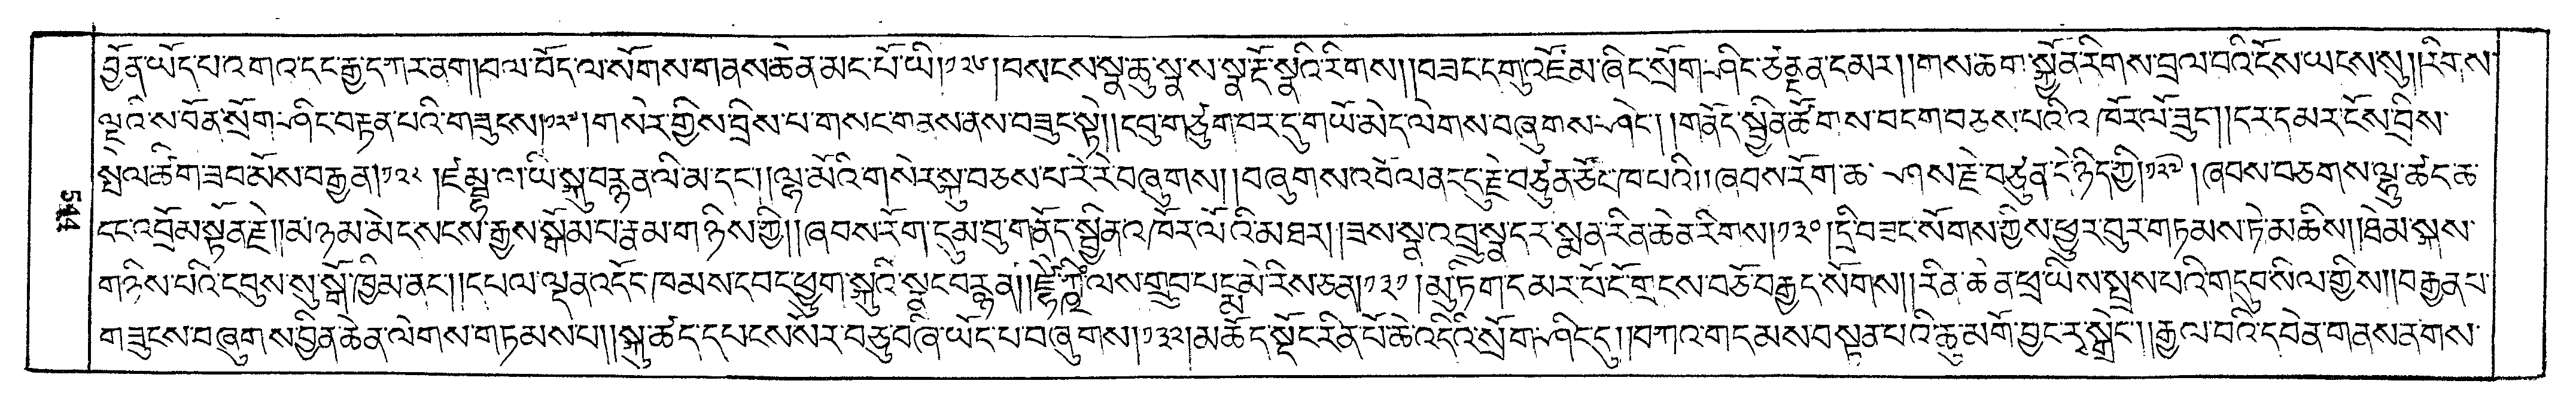བྱོན་ཡོད་པ་འགའ་དང་རྒྱ་དཀར་ནག། བལ་བོད་ལ་སོགས་གནས་ཆེན་མང་པོ་ཡི། ༡༢༦་།བསངས་སྣ་ཆུ་སྣ་ས་སྣ་རྡོ་སྣའི་རིགས། །བཟང་དགུ་འཛོམ་ཞིང་སྲོག་ཤིང་ཙནྡན་དམར། །གས་ཆག་སྐྱོན་རིགས་བྲལ་བའི་ངོས་ཡངས་སུ། །རིགས་
ལྔའི་ས་བོན་སྲོག་ཤིང་བརྟན་པའི་གཟུངས། ༡༢༧་།གསེར་གྱིས་བྲིས་པ་གསང་གནས་ནས་བཟུང་སྟེ། །དབུ་གཙུག་བར་དུ་གཡོ་མེད་ལེགས་བཞུགས་ཤིང་། །གནོད་སྦྱིན་ཚོགས་བདག་བཅས་པའི་འཁོར་ལོ་ཟུང་། །དར་དམར་ངོས་དྲི་
སྤེལ་ཚིག་ཟབ་མོས་བརྒྱན། ༡༢༨་།ཛམྦྷ་ལ་ཡི་སྐུ་བརྙན་ལི་མ་དང་། །ལྷ་མོའི་གསེར་སྐུ་བཅས་པ་རེ་རེ་བཞུགས། །བཞུག་ས་འབོལ་ནང་དུ་རྗེ་བཙུན་ཙོང་ཁ་པའི། །ཞབས་རོག་ཆ་ཤས་རྗེ་བཙུན་དེ་ཉིད་ཀྱི། ༡༢༧་།ཞབས་བཅགས་ལྷུ་ཚང་ཆ་
དང་འབྲོམ་སྟོན་རྗེ། །མཉམ་མེད་སངས་རྒྱས་སྒོམ་པ་རྣམ་གཉིས་ཀྱི། །ཞབས་རོག་དུ་མ་བུ་གནོད་སྦྱིན་འཁོར་ལོའི་མཐར། །ཟས་སྣ་འབྲུ་སྣ་དར་སྨན་རིན་ཆེན་རིགས། ༡༣༠་།དྲི་བཟང་སོགས་ཀྱིས་ཕྱུར་བུག་གཏམས་ཏེ་མཆིས། །ཐེམ་སྐས་
གཉིས་པའི་དབུས་སུ་སྒོ་ཁྱིམ་ནང་། །དཔལ་ལྡན་འདོད་ཁམས་དབང་ཕྱུག་སྐུའི་སྣང་བརྙན། །ཛྷཻ་ཀྵིཾ་ལས་གྲུབ་པདམ་མེ་རིས་ཅན། ༡༣༡་།མུ་ཏིག་དམར་པོ་ངོ་གྲངས་བཅོ་བརྒྱད་སོགས། །རིན་ཆེན་ཕྲ་ཡིས་སྤྲས་པའི་གདུབ་སིལ་གྱིས། །བརྒྱན་པ་
གཟུངས་བཞུགས་བྱིན་ཆེན་ལེགས་གཏམས་པ། །སྐུ་ཚད་དཔངས་སོར་བཅུ་བཞི་ཡོད་པ་བཞུགས། ༡༣༢་།མཆོད་སྡོང་རིན་པོ་ཆེ་འདིའི་སྲོག་ཤིང་དུ། །བཀའ་གདམས་བསྟན་པའི་ཆུ་མགོ་བྱང་རྭ་སྒྲེང་། །རྒྱལ་བའི་དབེན་གནས་ནགས་